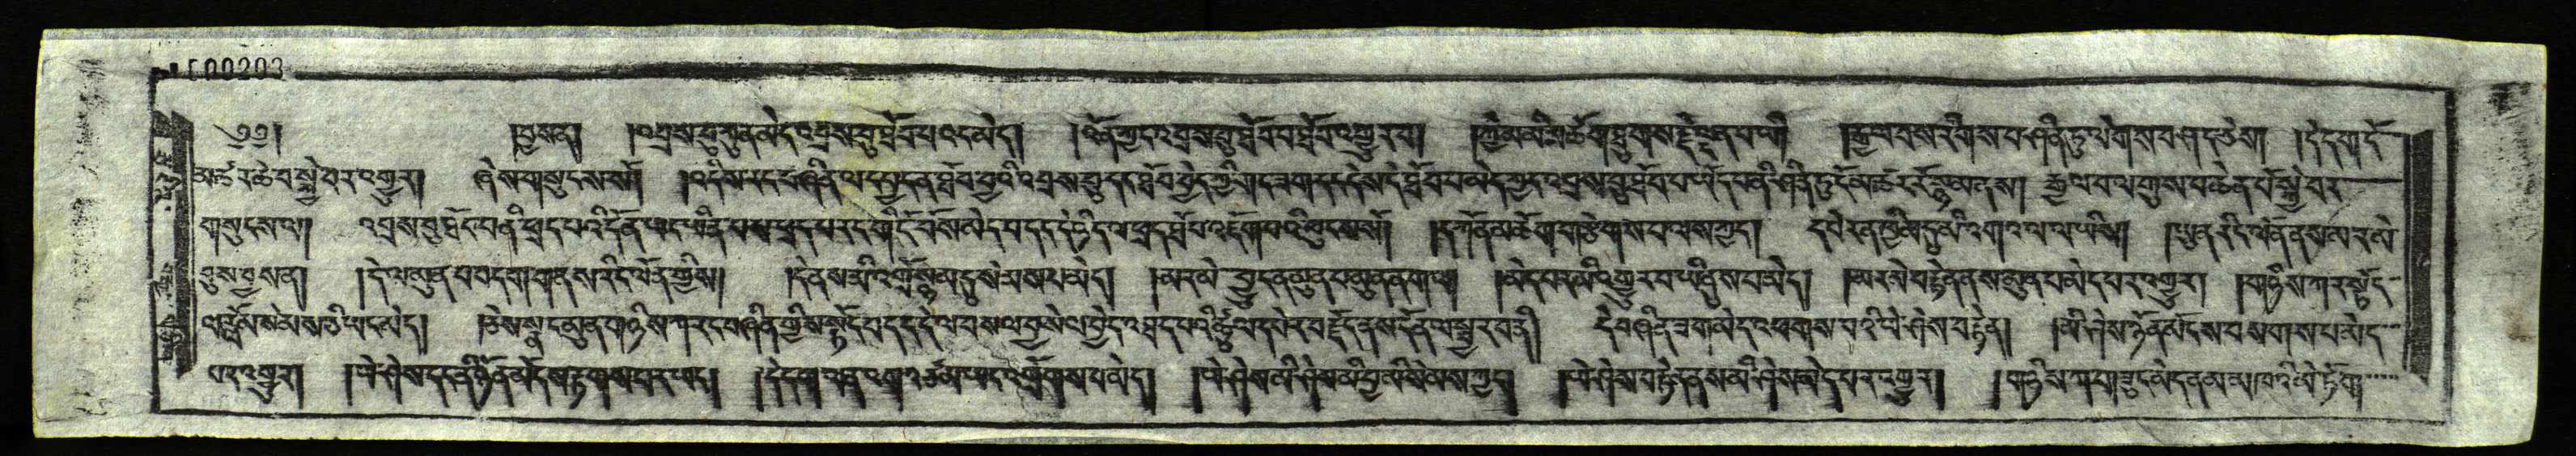༄༅། །བྱས་ན། །འབྲས་བུ་ཀུན་མེད་འབྲས་བུ་ཐོབ་པའང་མེད། །འོན་ཀྱང་འབྲས་བུ་ཐོབ་པ་ཐོབ་འགྱུར་བ། །ཀྱེ་མ་མི་མཆོག་ཐུགས་རྗེ་ལྡན་པ་ཡི། །རྒྱལ་བས་རིགས་པ་ཤིན་ཏུ་ལེགས་བཤད་ཅེས། །དེ་དག་ངོ་
མཚར་ཆེ་བ་སྐྱེ་བར་འགྱུར། ཞེས་གསུངས་སོ། །འདིས་རང་བཞིན་ལ་དཔྱད་ན་ཐོབ་བྱའི་འབྲས་བུ་དང་ཐོབ་བྱེད་ཀྱི་གང་ཟག་དང་དེས་དེ་ཐོབ་པ་མེད་ཀྱང་འབྲས་བུ་ཐོབ་པ་ཡོད་པ་ནི་ཤིན་ཏུ་ངོ་མཚར་རོ་སྙམ་ནས། རྒྱལ་བ་ལ་གུས་པ་ཆེན་པོ་སྐྱེ་བར་
གསུངས་ལ། འབྲས་བུ་ཐོབ་པ་ནི་ཕྲད་པའི་དོན་ཡང་ཡིན་པས་ཕྲད་པ་རང་གི་ངོ་བོས་མེད་པ་དང་དེ་ཉིད་ལ་ཕྲད་ཐོབ་འཇོག་པའི་ཁུངས་སོ། །དཀོན་མཆོག་གྲྩེགས་པ་ལས་ཀྱང་། དཔེར་ན་ཁྱིམ་དུ་མི་འགའ་ལ་ལ་ནི། །ཡུན་རིང་ལོན་ནས་མར་མེ་
བུས་བྱས་ན། །དེ་ལ་མུན་པ་བདག་གནས་རིང་ལོན་གྱིས། །དེ་ནས་མི་འགྲོ་སྙམ་དུ་སེམས་པ་མེད། །མར་མེ་བྱུང་ན་མུན་པ་མུན་ནག་ལ། །མེད་པར་མི་འགྱུར་བ་ཡི་ནུས་པ་མེད། །མར་མེ་བརྟེན་ནས་མུན་པ་མེད་པར་འགྱུར། །གཉིས་ཀར་སྟོད་
ལ་རློམ་སེམས་ཅི་ཡང་མེད། །ཅེས་སྣང་མུན་གཉིས་ཀ་རང་བཞིན་གྱིས་སྟོང་པ་དང་དེ་ལ་བསལ་བྱ་སེལ་བྱེད་འཐད་པའི་ཚུལ་དཔེར་བརྗོད་ནས་དོན་ལ་སྦྱར་བ་ནི། དེ་བཞིན་ཟག་མེད་འཕགས་པའི་ཡེ་ཤེས་བརྟེན། །མི་ཤེས་ཉོན་མོངས་བསགས་པ་མེད་
པར་འགྱུར། །ཡེ་ཤེས་དང་ནི་ཉོ་མོངས་རྟགས་པར་ཡང་། །དེ་དག་ལན་འགའ་ཙམ་ཡང་འགྲོགས་པ་མེད། །ཡེ་ཤེས་མི་ཤེས་མི་བྱ་མི་སེམས་ཀྱང་། །ཡེ་ཤེས་བརྟེན་ནས་མི་ཤེས་མེད་པར་འགྱུར། །གཉིས་ཀ་གཟུང་མེད་ནམ་མཁའི་མེ་ཏོག་